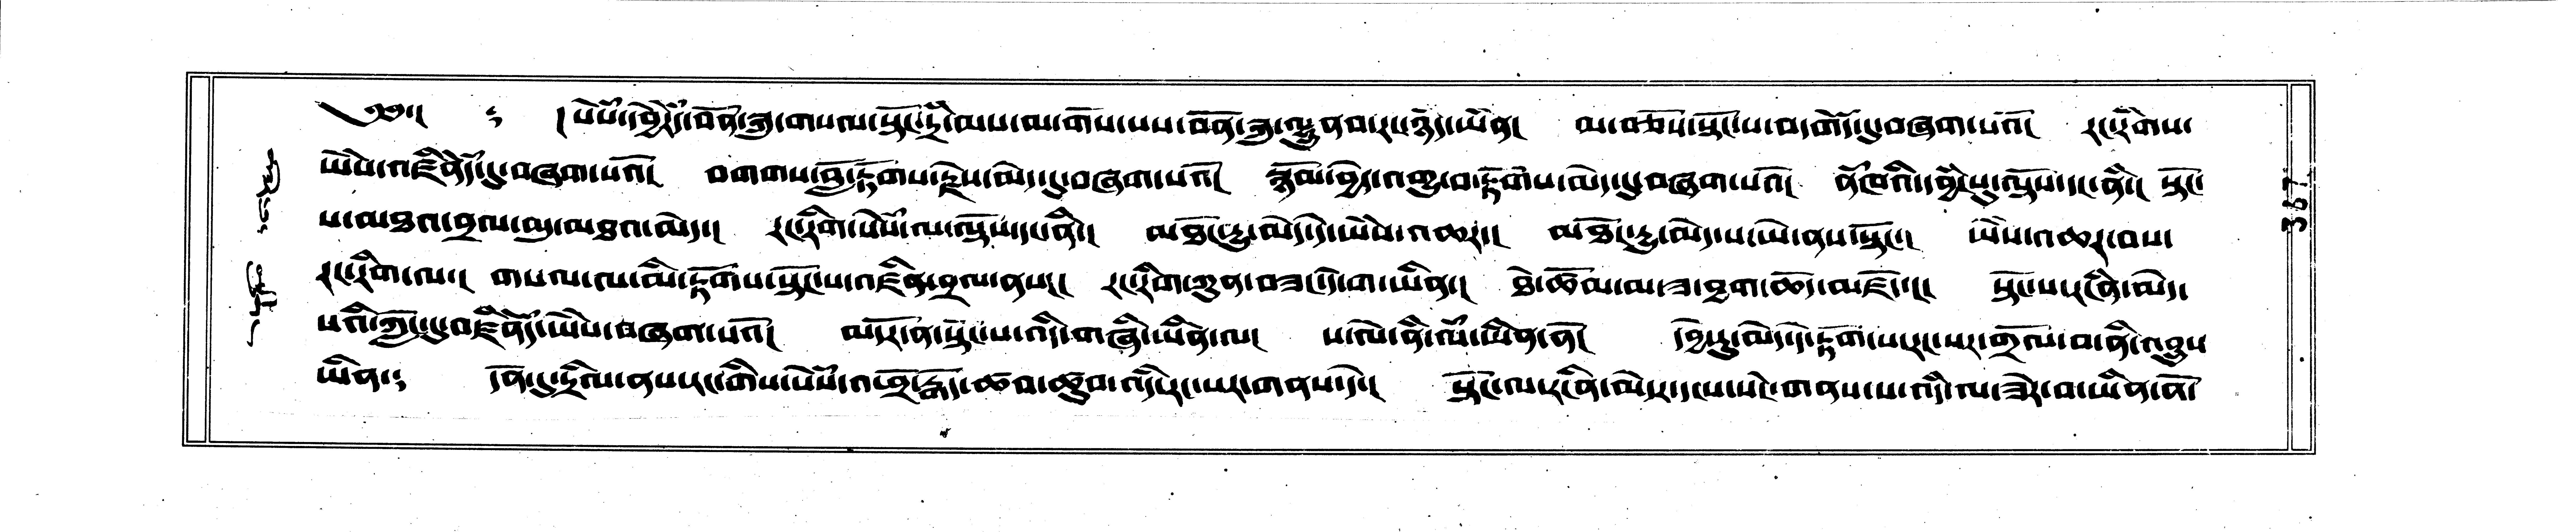སེམས་དབྱེར་མེད་གསལ་སྟོང་དྲི་མས་མ་གོས་པའི་བོན་སྐུ་ལྷུན་གྲུབ་རང་ཉིད་ཡིན་ནོ། མ་བཅོས་སྟོང་པ་བདག་མེད་དུ་བཞག་པའོ། རང་རིག་
ཡེ་ཤེས་འཛིན་མེད་དུ་བཞག་པའོ། བག་ཆགས་བློ་རྟོག་རྗེས་མེད་དུ་བཞག་པའོ། སྙམས་བྱེད་འགྱུ་བ་རྗེས་མེད་རྟོག་མེད་དུ་བཞག་པའོ། ནམ་མཁའི་དབྱིངས་སུ་སྟོས་༼ལྟོས༽དང་། སྟོང་
པ་མཐའ་བྲལ་མུ་མཐའ་མེད། རང་རིག་སེམས་ལ་ལྟོས་དང་ན། མཐོང་རྒྱུ་མེད་དེ་ཡེ་ཤེས་འཆར། མཐོང་རྒྱུ་མེད་པས་རང་རིག་སྟོང་། ཡེ་ཤེས་འཆར་བར་
རང་རིག་གསལ། གསལ་ལ་མི་རྟོག་སྟོང་པ་འཛིན་བྲལ་ཅན། རང་རིག་ཀུན་ཏུ་བཟང་པོ་དེ་ཀ་ཡིན། ཐེ་ཚོམ་མ་ཟ་ཐག་ཆོད་པར་མཛོད་ཅིག སྟོང་པ་རང་བཞིན་མེད་
པའི་ཀློང་དུ་འཛིན་མེད་ཡེ་ཤེས་སལེ་བཞག་པའོ། མདོར་ན། སྟོང་པ་ནི་གཞི་ཡིན་ལ། སལེ་བ་ནི་ལམ་ཡིན་ནོ། དབྱེ་རུ་མེད་དེ་རྟོག་པ་རང་སར་གྲོལ་བ་ནི་འབྲས་
ཡིན་ནོ། དོན་དུ་དྲིལ་ན། རང་གིས་སེམས་འཕྲོ་རྒོད་ཚབ་ཚུབ་འདི་རང་སར་དག་སྟེ། སྟོང་ལ་རང་བཞིན་མེད་པར་དང་སང་ངེ་གནས་པ་འདི་ལ་ཟེར་བ་ཡིན་ནོ།